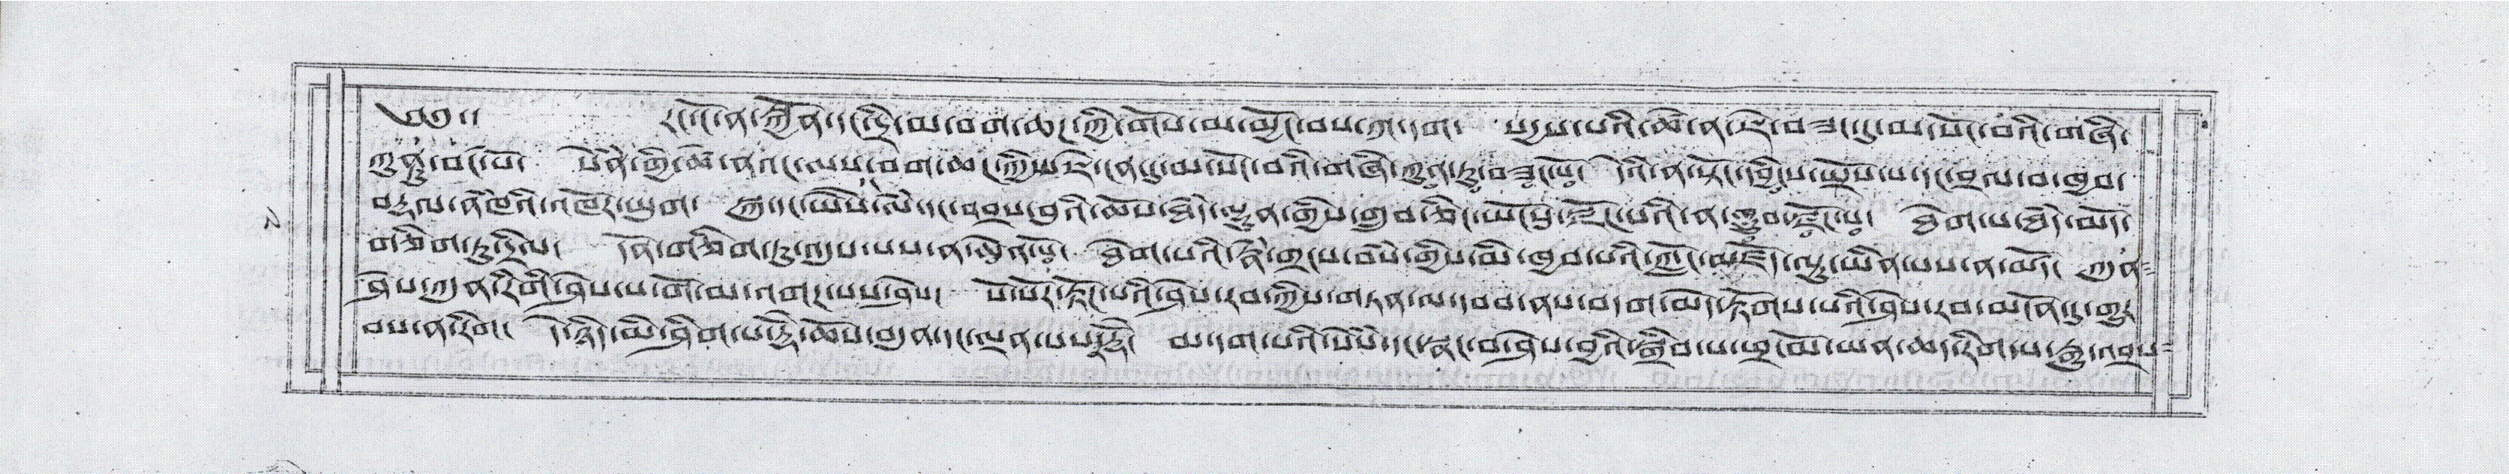རང་ངོ་ན་སྐྱོན་དང་དྲི་མ་བག་ཆགས་ཀྱིས་གོས་མ་མྱོང་བས་ཀ་དག སངས་རྒྱས་པའི་ཚེ་ན་ཇེ་བཟང་དུ་མ་སོང་བའི་གཞི་
ཀུན་ཏུ་བཟང་པོ། སེམས་ཅན་གྱི་ཚེ་ནའང་ལས་དང་བག་ཆགས་ཀྱིས་ཇེ་ངན་དུ་མ་སོང་བའི་གཞི་ཀུན་ཏུ་བཟང་པོ། དེའི་ན་སྟོང་དབྱིངས་སྤྲོས་པ་དང་བྲལ་བ་ཁྱབ་
བརྡལ་ནམ་མཁའི་ཁོར་ཡུག སྐུ་དང་ཡེ་ཤེས་ལམ་དང་འབྲས་བུའི་ཆོས་ཐམས་ཅད་ལྷུན་གྱིས་གྲུབ་ཅིང་ཡོངས་སུ་རྫོགས་པས་ན་ལྷུན་གྲུབ་རྫོགས་པ། ཐེག་པ་ཐམས་ཅད་མདོ་
གཅིག་ཏུ་དྲིལ། དོན་གཅིག་ཏུ་འདུས་པས་ན་ཆེན་པོ། ཐེག་པའི་རྣམ་གྲངས་བསམ་གྱིས་མི་ཁྱབ་པའི་ཀློང་མཛོད་ལྟ་བུ་ཡིན་པས་ན་མཛོད། ཀུན་
ཤེས་ཀུན་རིག་གི་ཤེས་པ་གོ་མ་འགག་པས་ཤེས། སོ་སོར་རྟོག་པའི་ཤེས་རབ་ཀྱིས་གཏན་ལ་དབབ་ནས་བདག་མེད་རྟོགས་པའི་ཤེས་རབ་མངོན་དུ་གྱུར་
བས་ན་རིག དེ་ཉིད་མི་ཤིག་པ་ཆོས་བདུན་དང་ལྡན་པས་ན་རྡོ་རྗེ། མ་དག་པའི་སེམས་དང་སྣང་བ་ཤེས་བྱའི་སྒྲིབ་པ་ཕྲ་མོ་ཡན་ཆད་རིག་པ་རྒྱུ་འབྲས་